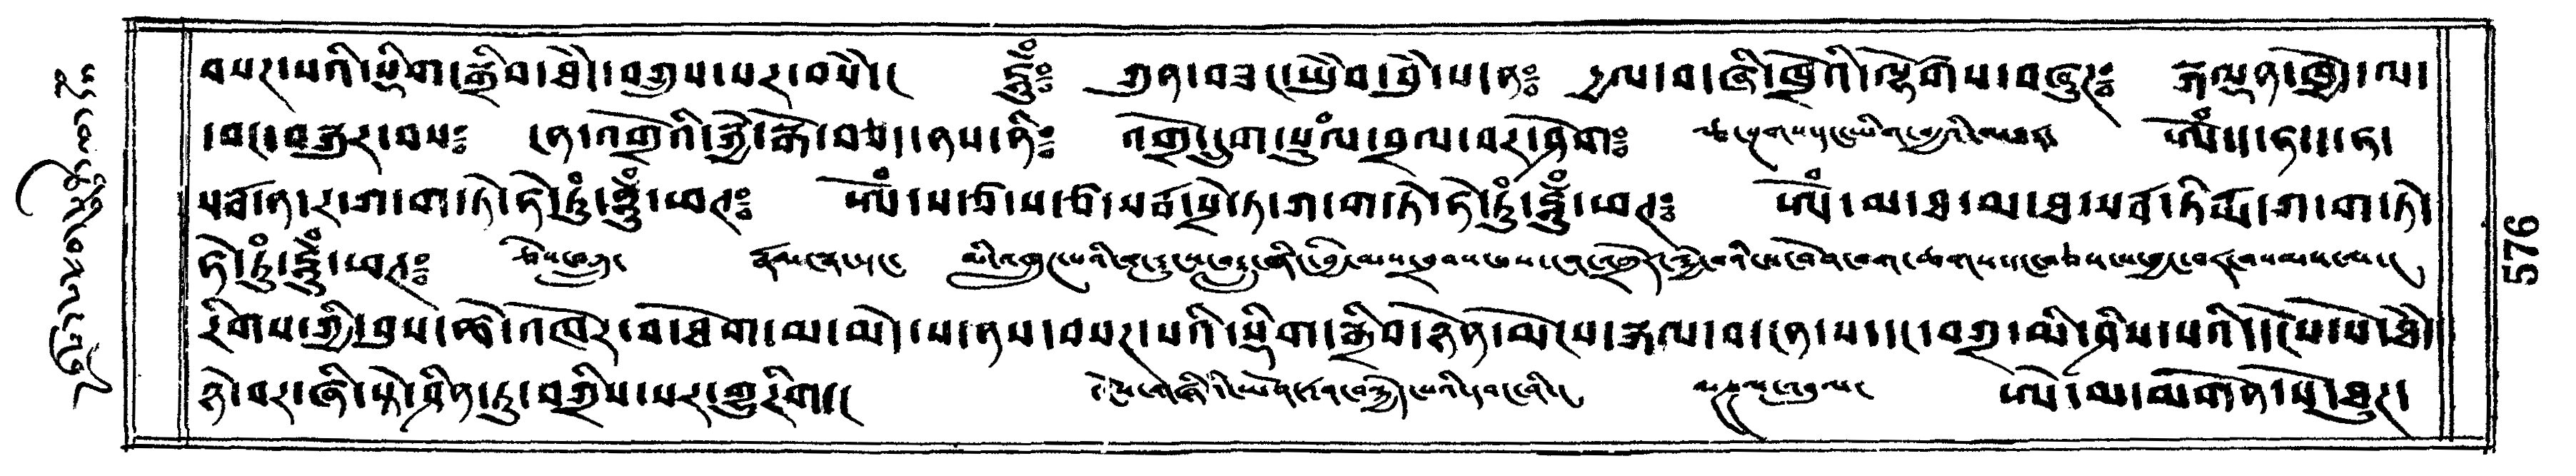བསགས་པའི་སྡིག་སྒྲིབ་ཐམས་ཅད་བཀྲུས་པར་བསམ། ཧཱུྃ༔ ཀུན་བཟང་ཡབ་ཡུམ་བུམ་པ་ན༔ རྒྱལ་བ་ཞི་ཁྲོའི་ལྷ་ཚོགས་བཞུགས༔ སྐལ་ལྡན་ཁྱོད་ལ་
དབང་བསྐུར་བས༔ ངན་འགྲོའི་སྐྱེ་སྒོ་བཅད་ནས་ནི༔ འགྲོ་དྲུག་སྡུག་བསྔལ་བྲལ་བར་ཤོག༔ རྩ་སྔགས་དང་ཡིག་བརྒྱའི་མཐར། ཨོཾ་ད་ཧ་ད་ཧ་
སརྦ་ན་ར་ཀ་ག་ཏེ་ཧེ་ཏུཾ་ཧཱུྃ་ཕཊ༔ ཨོཾ་པ་ཙ་པ་ཙ་སརྦ་པྲེ་ཏ་ཀ་ག་ཏེ་ཧེ་ཏུཾ་ཧཱུྃ་ཕཊ༔ ཨོཾ་མ་ཐ་མ་ཐ་སརྦ་ཏིརྻ་ཀ་ག་ཏེ་
ཧེ་ཏུཾ་ཧཱུྃ་ཕཊ༔ ཅེས་བཀྲུ། རྣམ་སྣང་དང་། མི་འཁྲུགས་པའི་གཟུངས་བཟླ་ཞིང་བྱེ་མས་བྲབས་པས་ངན་འགྲོར་སྐྱེ་བའི་ས་བོན་བག་ཆགས་དང་བཅས་པ་སྦྱང་བར་བསམས་ལ། 
རིགས་ཀྱི་བུས་ཚེ་འཁོར་བ་ཐོག་མ་མེད་པ་ནས་བསགས་པའི་སྡིག་སྒྲིབ་ཉོན་མོངས་སྐལ་བ་ངན་པ་དང་བཀྲ་མི་ཤིས་པའི་དངོས་པོ་ཐམས་ཅད་
ཉེ་བར་ཞི་སྟེ་ཤིན་ཏུ་བཀྲ་ཤིས་པར་གྱུར་ཅིག དངོས་གཞིའི་ཡོན་ཏན་བསྐྱེད་པའི་དབང་ནི། མཎྜལ་འབུལ། ཨེ་མ་མགོན་པོ་ཐུགས་